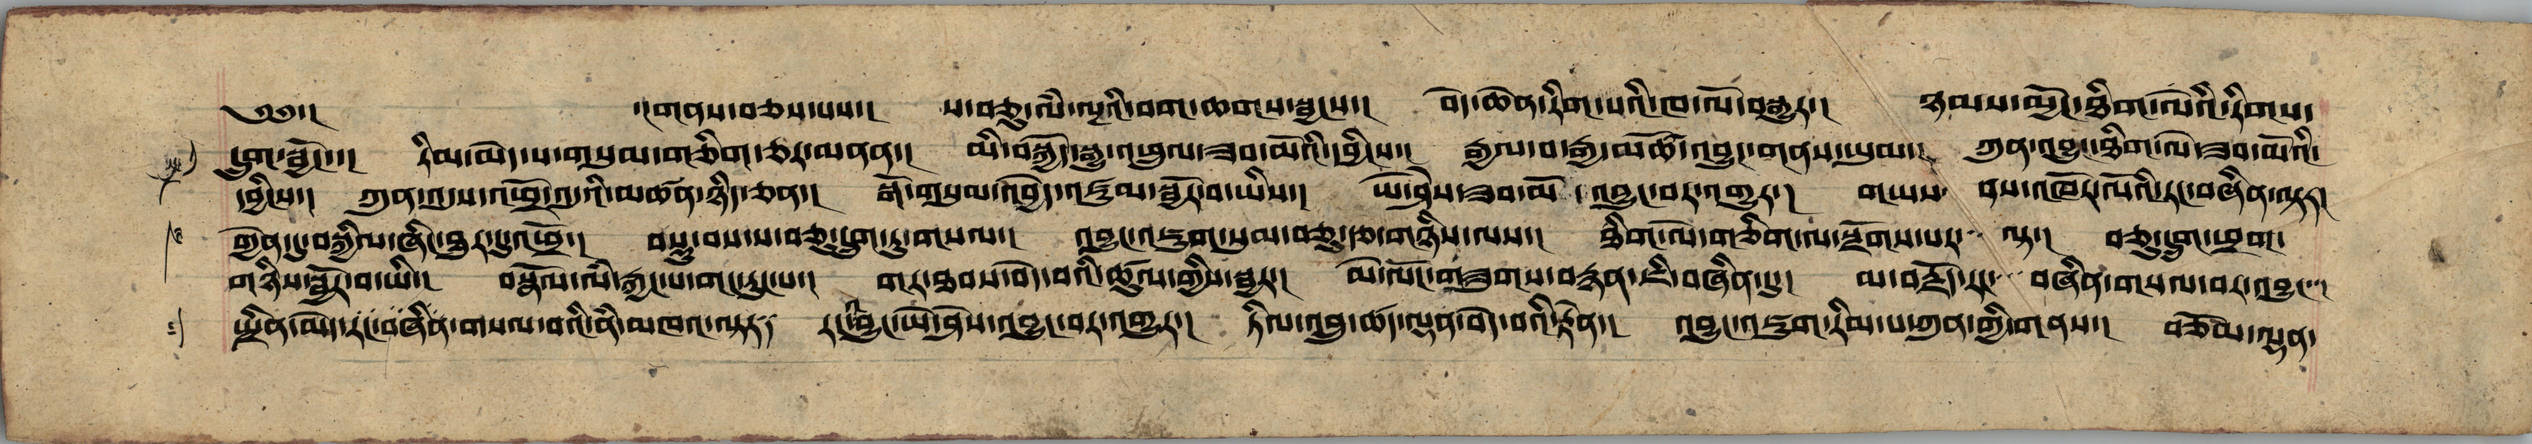༄༅་། ་།གནས་བཅས་པས་། ས་བཅུ་ལཾ་ལྔའི་བག་ཆགས་སྦྱངས་། བདེ་ཆེན་རིག་པའི་ཁ་ལོ་བསྒྱུར་། ཉམས་མྱོང་ཐིག་ལེའི་རིགས་
དྲུག་སྦྱོང་་། རིམ་མེད་ས་གསུམ་གཅིག་ཅར་མནན་། མི་བསྐྱོད་སྒྱུ་འཕྲུལ་ཟབ་མོའི་དབྱིངས་། རྒྱལ་བ་རྒྱ་མཚོ་འབྱུང་གནས་ཡུམ་། ཀུན་འབྱུང་ཐིག་ལེ་ཟབ་མོའི་
དབྱིངས་། ཀུན་འདུས་འཕྲོ་འདུའི་མཚན་ཉིད་ཅན་། སྒོ་གསུམ་འབྱེད་འཛུམ་སྦྱོར་བ་ཡིས་། ཡེ་ཤེས་ཟབ་མོ ་འབྱུང་བར་འགྱུར་། གཡས་ ནས་འཁོར་ལོའི་རང་བཞིན་ལྟར་
གྱིན་དུ་བསྐྱིལ་ཞིང་ཐུར་དུ་འཕྲོ་། བསྡུ་བས་ས་བཅུ་དྲུག་ཏུ་གསལ་། འབྱུང་འཇུག་སུམབཅུ་རྩ་གཉིས་ལས་། ཐིག་ལེ་གཅིག་ལ་སྫོགས་པར་་ ལྟ་། བཅུ་དྲུག་ཕྲག་
གཉིས་སྦྱོར་བ་ཡི་། བསྣོལ་ལཾ་རྒྱང་པ་གང་རུང་པ་། གར་ཐབས་བདེ་བའི་ཚུལ་གྱིས་སྦྱར་། མེ་ལོང་གཟུགས་བརྙན་ཇི་བཞིན་དུ་། མ་བརྗོད་རང་་་་བཞིན་གསལ་བར་འབྱུང་་།
སྤྲིན་མེད་རང་བཞིན་གསལ་བའི་ནཾ་མཁའ་ལྟར༑ རང་འབྱུང་ཡེ་ཤེས་འབྱུང་བར་འགྱུར་། ཏིལ་འབྲུ་ཚད་ལྡན་བདེ་བའི་རྟེན་། འབྱུང་འཇུག་རིམ་པ་ཀུན་གྱི་གནས་། བཅོམ་ལྡན་